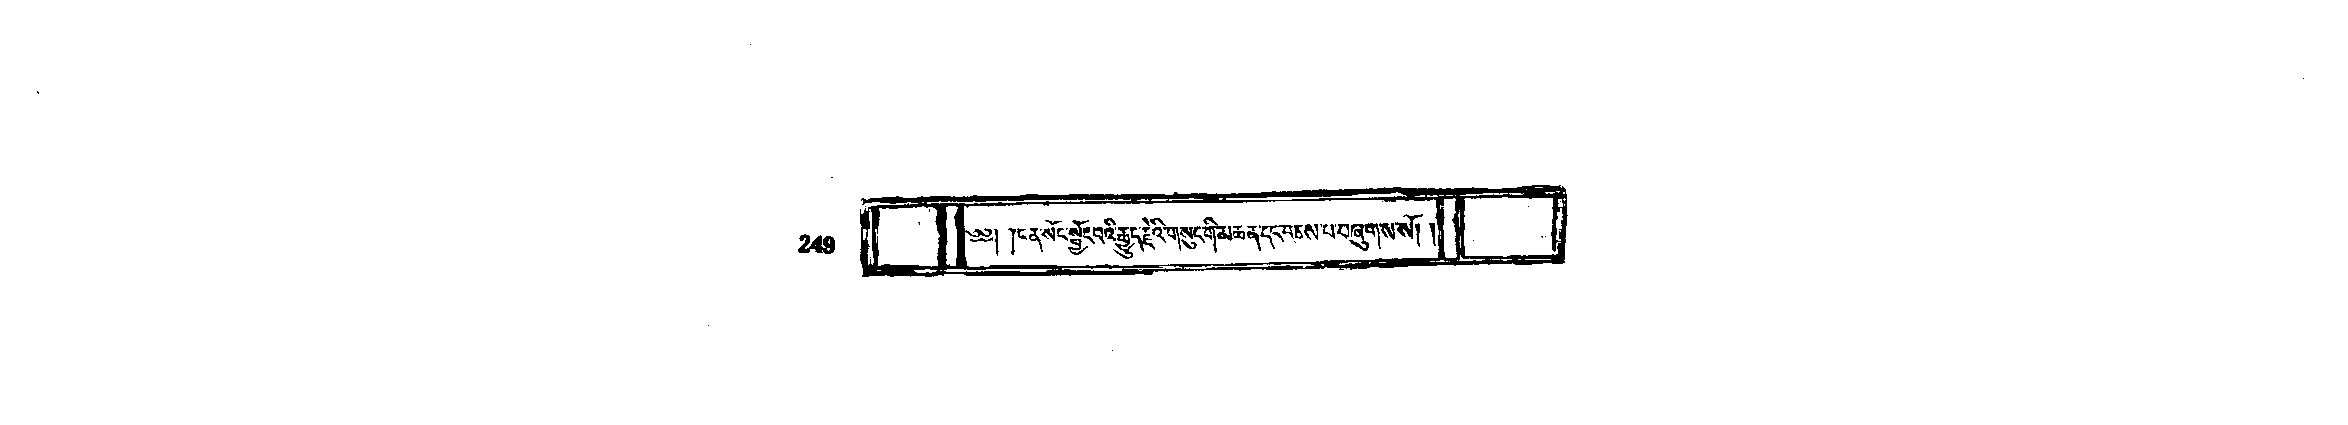༄༅། །ངན་སོང་སྦྱོང་བའི་རྒྱུད་རྗེའི་གསུང་གི་མཆན་དང་བཅས་པ་བཞུགས་སོ། །